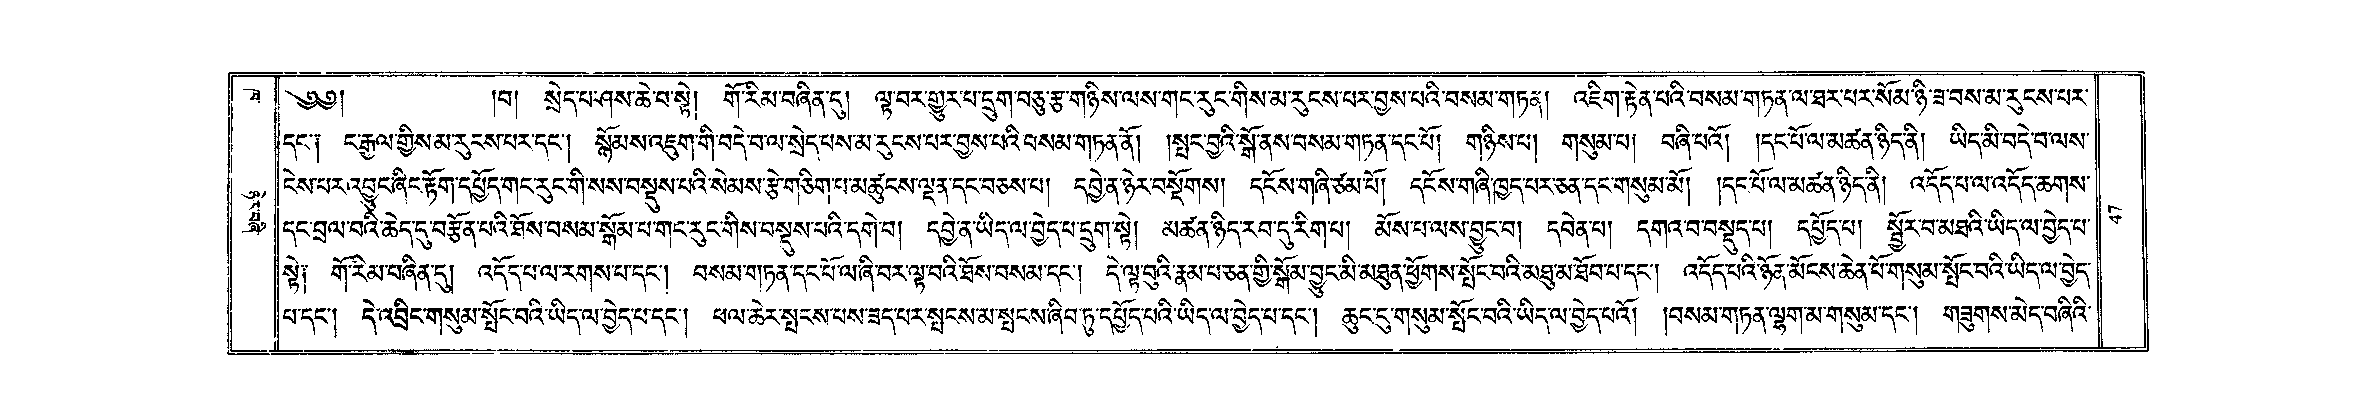༄༅། །བ། སྲེད་པ་ཤས་ཆེ་བ་སྟེ། གོ་རིམ་བཞིན་དུ། ལྟ་བར་གྱུར་པ་དྲུག་བཅུ་རྩ་གཉིས་ལས་གང་རུང་གིས་མ་རུངས་པར་བྱས་པའི་བསམ་གཏན། འཇིག་རྟེན་པའི་བསམ་གཏན་ལ་ཐར་པར་སོམ་ཉི་ཟ་བས་མ་རུངས་པར་
དང༑ ང་རྒྱལ་གྱིས་མ་རུངས་པར་དང་། སྙོམས་འཇུག་གི་བདེ་བ་ལ་སྲེད་པས་མ་རུངས་པར་བྱས་པའི་བསམ་གཏན་ནོ། །སྤང་བྱའི་སྒོ་ནས་བསམ་གཏན་དང་པོ་ནི། གཉིས་པ། གསུམ་པ། བཞི་པའོ། །དང་པོ་ལ་མཚན་ཉིད་ནི། ཡིད་མི་བདེ་བ་ལས་
ངེས་པར་འབྱུང་ཞིང་རྟོག་དཔྱོད་གང་རུང་གི་སས་བསྡུས་པའི་སེམས་རྩེ་གཅིག་པ་མཚུངས་ལྡན་དང་བཅས་པ། དབྱེ་ན་ཉེར་བསྡོགས། དངོས་གཞི་ཙམ་པོ། དངོས་གཞི་ཁྱད་པར་ཅན་དང་གསུམ་མོ། །དང་པོ་ལ་མཚན་ཉིད་ནི། འདོད་པ་ལ་འདོད་ཆགས་
དང་བྲལ་བའི་ཆེད་དུ་བརྩོན་པའི་ཐོས་བསམ་སྒོམ་པ་གང་རུང་གིས་བསྡུས་པའི་དགེ་བ། དབྱེ་ན་ཡིད་ལ་བྱེད་པ་དྲུག་སྟེ། མཚན་ཉིད་རབ་དུ་རིག་པ། མོས་པ་ལས་བྱུང་བ། དབེན་པ། དགའ་བ་བསྡུད་པ། དཔྱོད་པ། སྦྱོར་བ་མཐའི་ཡིད་ལ་བྱེད་པ་
སྟེ༑ གོ་རིམ་བཞིན་དུ། འདོད་པ་ལ་རགས་པ་དང་། བསམ་གཏན་དང་པོ་ལ་ཞི་བར་ལྟ་བའི་ཐོས་བསམ་དང་། དེ་ལྟ་བུའི་རྣམ་པ་ཅན་གྱི་སྒོམ་བྱུང་མི་མཐུན་ཕྱོགས་སྤོང་བའི་མཐུ་མ་ཐོབ་པ་དང་། འདོད་པའི་ཉོན་མོངས་ཆེན་པོ་གསུམ་སྤོང་བའི་ཡིད་ལ་བྱེད་
པ་དང་། དེ་འབྲིང་གསུམ་སྤོང་བའི་ཡིད་ལ་བྱེད་པ་དང་། ཕལ་ཆེར་སྤངས་པས་ཟད་པར་སྤངས་མ་སྤངས་ཞིབ་ཏུ་དཔྱོད་པའི་ཡིད་ལ་བྱེད་པ་དང་། ཆུང་ངུ་གསུམ་སྤོང་བའི་ཡིད་ལ་བྱེད་པའོ། །བསམ་གཏན་ལྷག་མ་གསུམ་དང་། གཟུགས་མེད་བཞིའི་